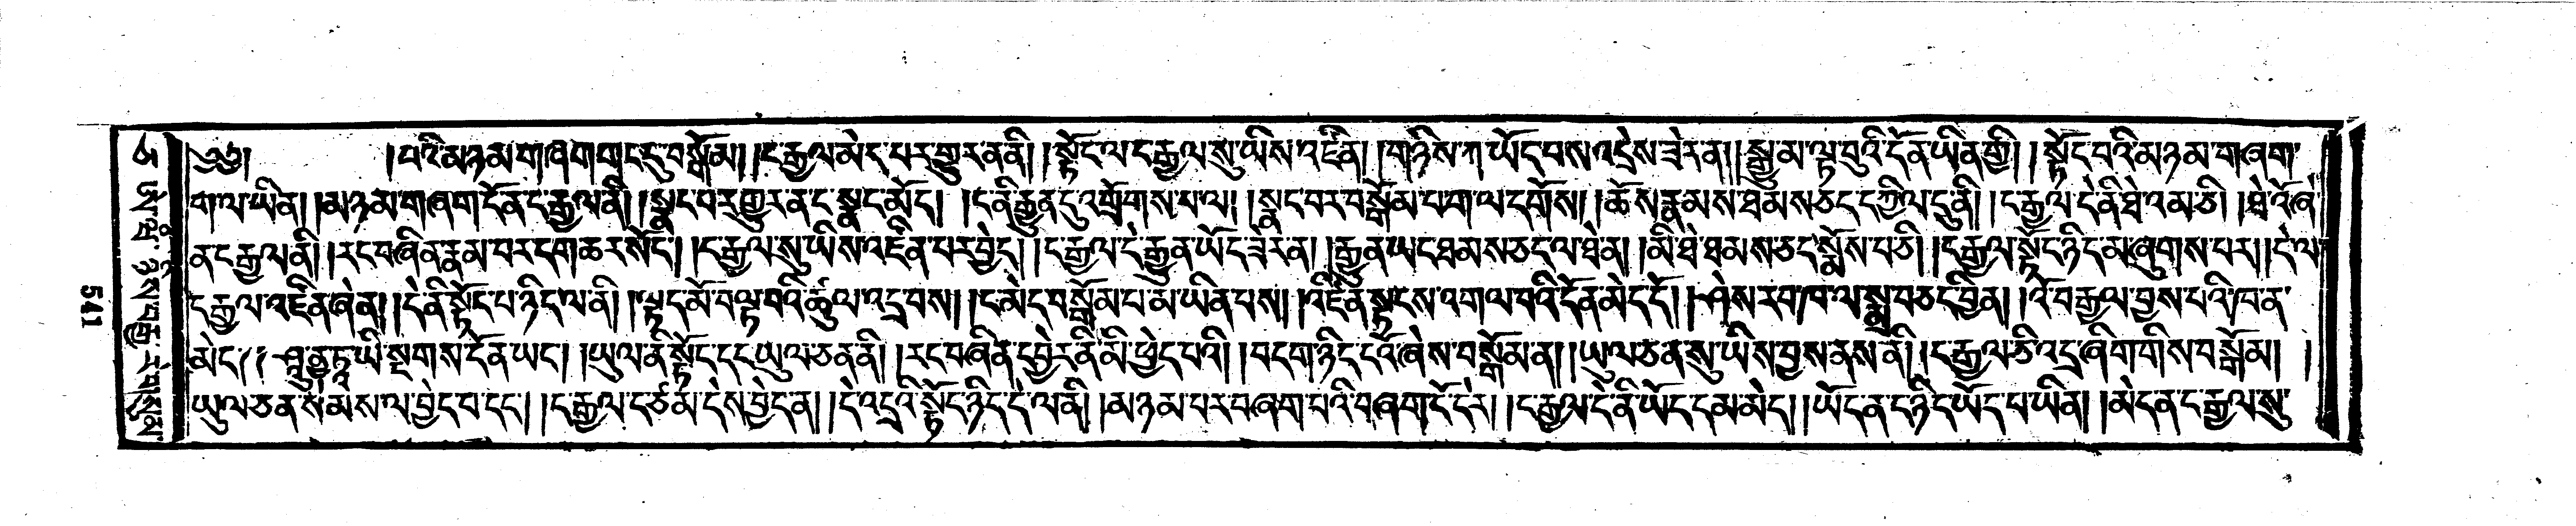༄༅། །པའི་མཉམ་གཞག་གང་དུ་བསྒོམ། །ང་རྒྱལ་མེད་པར་གྱུར་ན་ནི། །སྟོང་ལ་ང་རྒྱལ་སུ་ཡིས་འཛིན། །གཉིས་ཀ་ཡོད་པས་འདྲེས་ཟེར་ན། །སྒྱུ་མ་ལྟ་བུའི་དོན་ཡིན་གྱི། །སྟོང་པའི་མཉམ་གཞག་
ག་ལ་ཡིན། །མཉམ་གཞག་ངོ་ན་ང་རྒྱལ་ནི། །སྣང་བར་གྱུར་ན་ང་སྣང་མོད། །ང་ནི་རྒྱུན་དུ་འགྲོགས་པ་ལ། །སྣང་བར་བསྒོམ་པ་ག་ལ་དགོས། །ཆོས་རྣམས་ཐམས་ཅད་དཀྱིལ་དུ་ནི། ང་རྒྱལ་དེ་ནི་ཐེ་འམ་ཅི། །ཐེ་འོ་ཞེ་
ན་ང་རྒྱལ་ནི། །རང་བཞིན་རྣམ་པར་དག་ཆར་སོང་། །ང་རྒྱལ་སུ་ཡིས་འཛིན་པར་བྱེད། །ང་རྒྱལ་དེ་རྒྱུན་ཡོད་ཟེར་ན། །རྒྱུན་ཡང་ཐམས་ཅད་ལ་ཐེ་ན། །མི་ཐེ་ཐམས་ཅད་སྨོས་པ་ཅི། །ང་རྒྱལ་སྟོང་ཉིད་མ་ཞུགས་པར། །དེ་ལ་
ང་རྒྱལ་འཛིན་ཞེ་ན། །དེ་ནི་སྟོང་པ་ཉིད་ལ་ནི། །ལྟད་མོ་བལྟ་བའི་ཚུལ་འདྲ་བས། །ང་མེད་བསྒོམ་པ་མ་ཡིན་པས། །འཛིན་སྟངས་འགལ་བའི་དོན་མེད་དོ། །ཤེས་རབ་ཁ་ལ་སྨྲ་བཅད་བྱིན། །འོ་བརྒྱལ་བྱས་པའི་ཁ་ན་
མེད༑ ༑ཤཱུ་ཎྱ་ཏཱ་ཡི་སྔགས་དོན་ཡང་། །ཡུལ་ནི་སྟོང་དང་ཡུལ་ཅན་ནི། །རང་བཞིན་དབྱེར་ནི་མི་ཕྱེད་པའི། །བདག་པའི་ངའོ་ཞེས་བསྒོམ་ན། །ཡུལ་ཅན་སུ་ཡིས་བྱས་ནས་ནི། །ང་རྒྱལ་ཅི་འདྲ་ཞིག་གིས་བསྒོམ། །
ཡུལ་ཅན་སེམས་ལ་བྱེད་པ་དང་། །ང་རྒྱལ་ང་ཙམ་དེས་བྱེད་ན། །དེ་འདྲའོ་སྟོང་ཉིད་དེ་ལ་ནི། །མཉམ་པར་བཞག་པའི་བཞག་ངོ་དེར། །ང་རྒྱལ་དེ་ནི་ཡོད་དམ་མེད། །ཡོད་ན་ན་ཉིད་ཡོད་པ་ཡིན། །མེད་ན་ང་རྒྱལ་སུ་